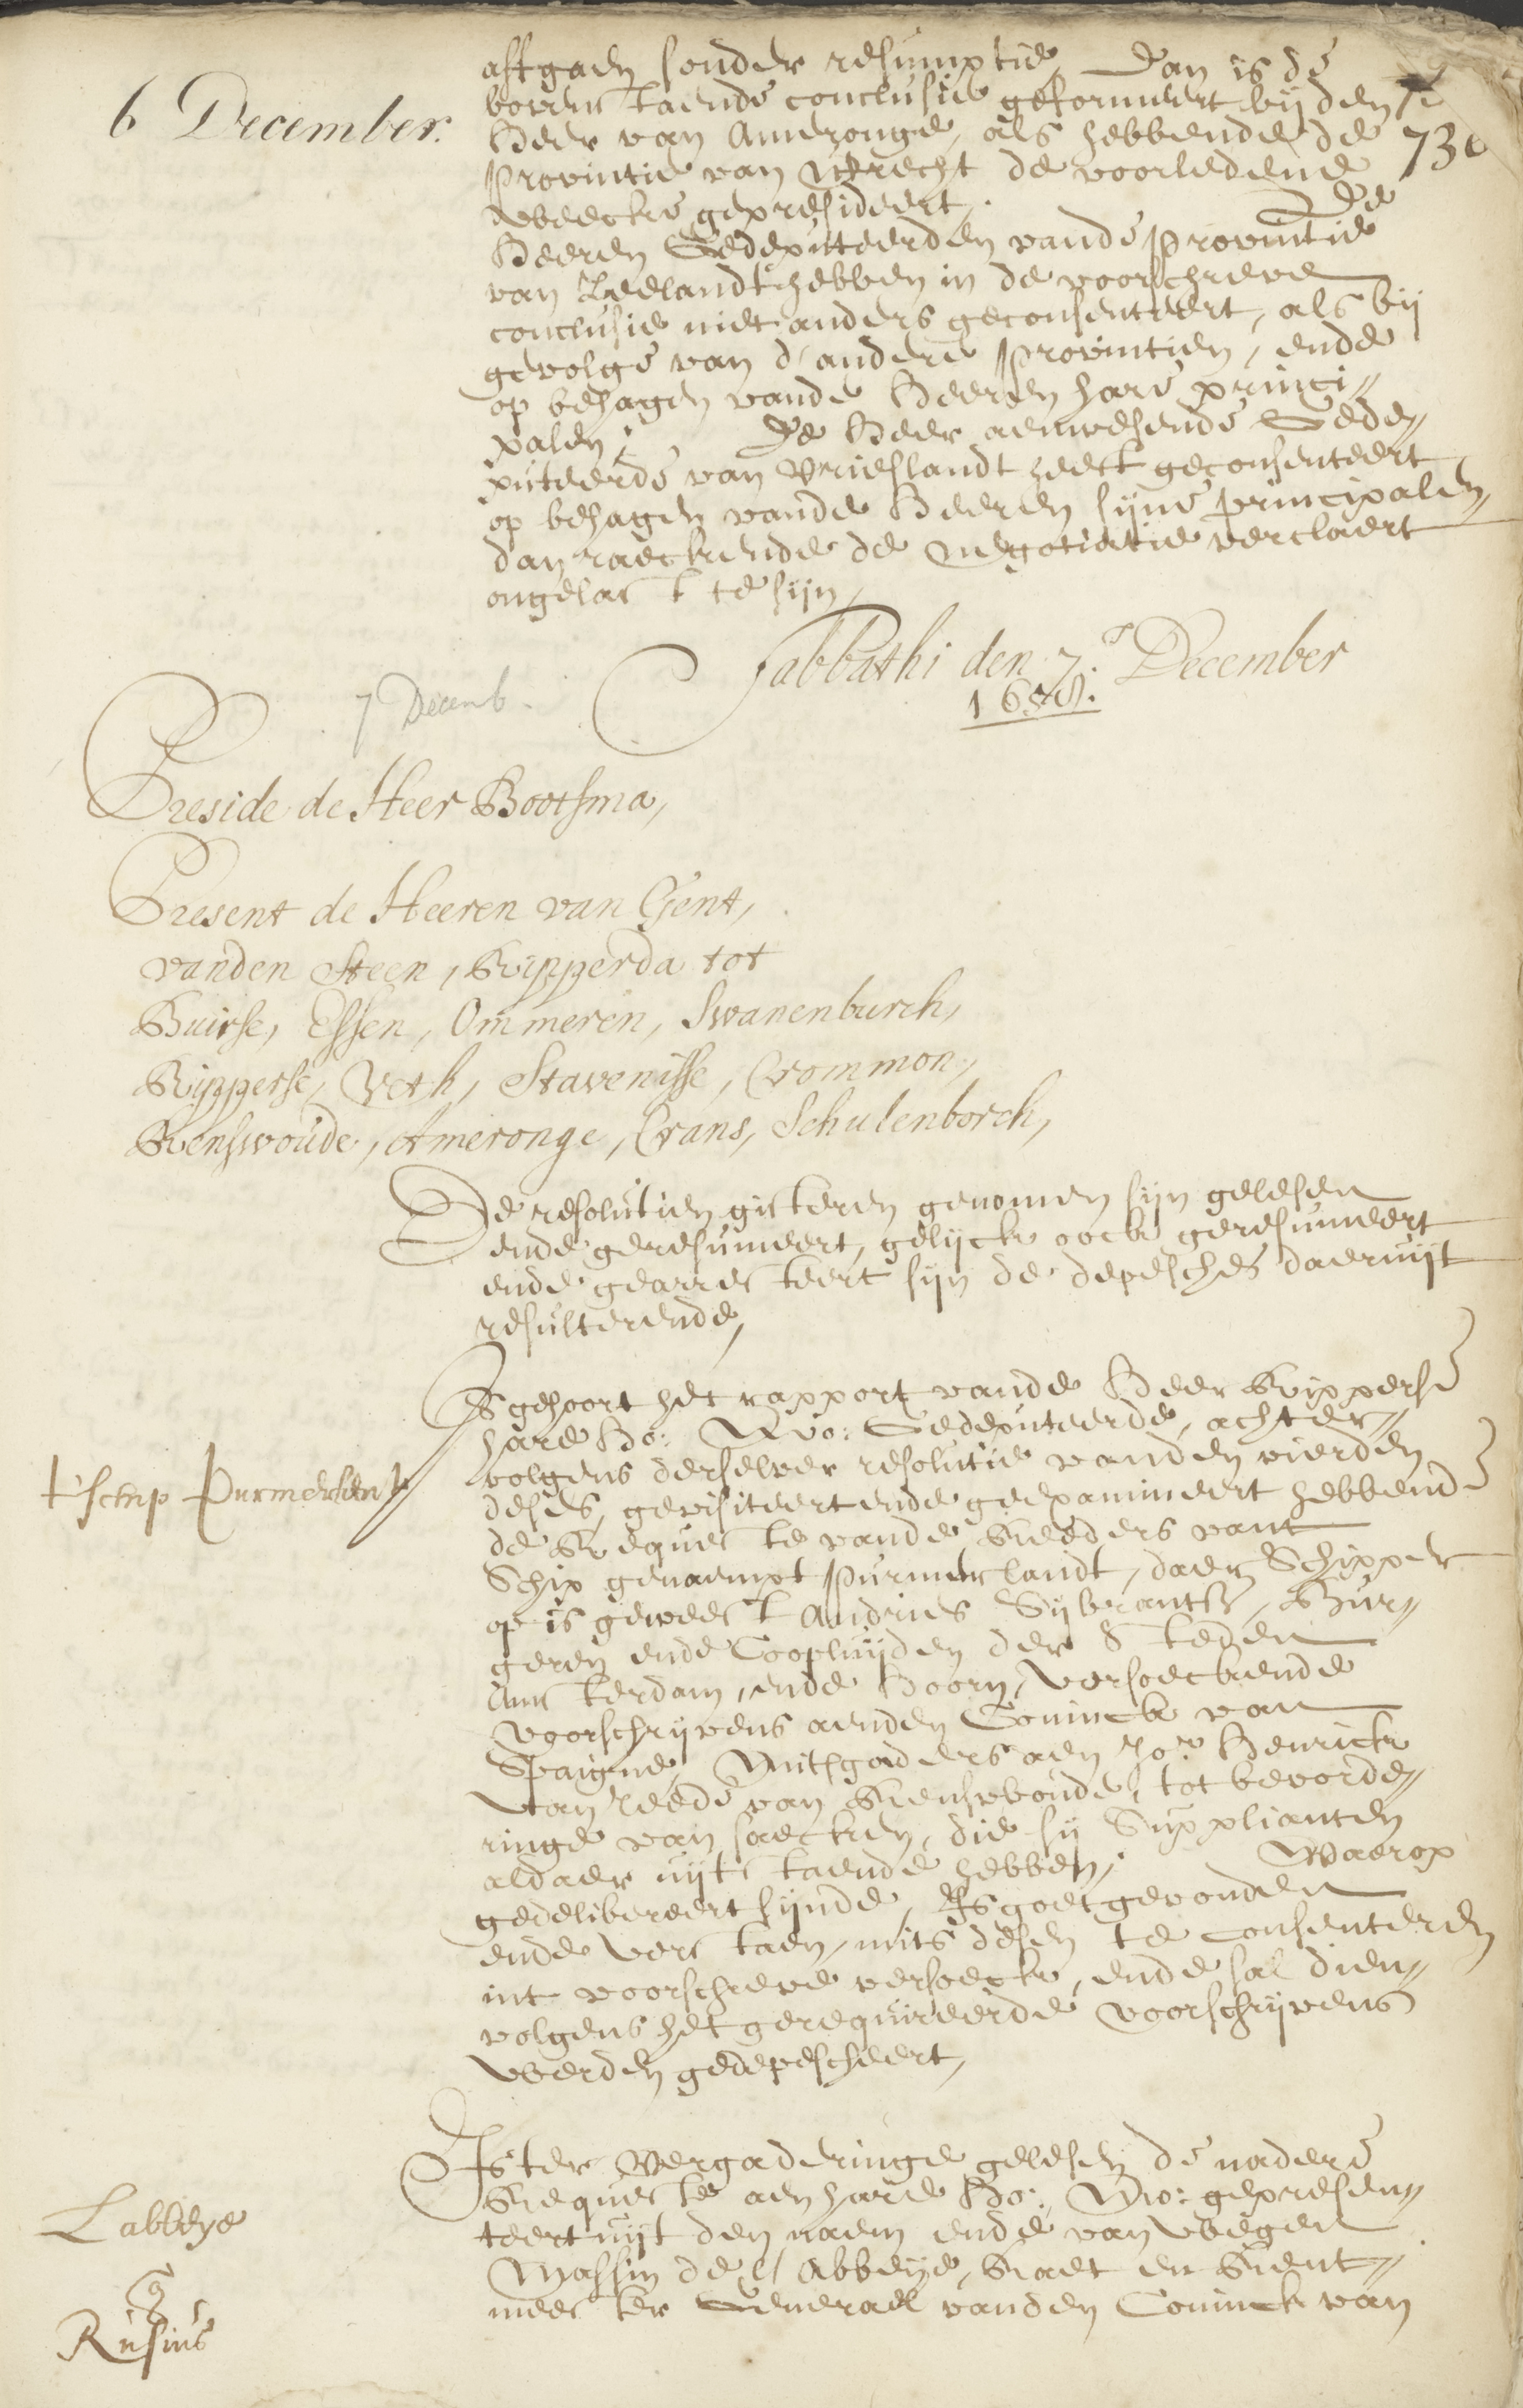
730
6 December.
affgaen sonder resumptie, Dan is de
bovenstaende conclusie geformeert bij den
Heer van Ameronge, als hebbende de
Provintie van Utrecht de voorledene
welcke gepresideert. De
Heeren Gedeputeerden vande Provintie
van Zeelandt hebben in de voorschreve
conclusie niet anders geconsenteert, als bij
gevolge van d‛andere Provintien, ende
op behagen vande Heeren hare princi„
palen; De Heer aenwesende Gede„
puteerde van Vrieslandt heeft geconcenteert
op behagen vande Heeren sijne principalen,
dan raeckende de negotiatie verclaert
ongelast te sijn.
7 Decemb.
Sabbathi den 7e. December
1658.
Preside de Heer Bootsma,
Present de Heeren van Gent,
vanden Steen, Ripperda tot
Buirse, Essen, Ommeren, Swanenburch,
Ripperse, Veth, Stavenisse, Crommon,
Renswoude, Ameronge, Crans, Schulenborch,
De resolutien gisteren genomen sijn gelesen
ende geresumeert, gelijck oock geresumeert
ende gearresteert sijn de depesches daeruijt
resulterende.
t‛Schip Purmerlent
Is gehoort het rapport vande Heer Ripperse
hare Ho:Mo: Gedeputeerde, achter„
volgens derselver resolutie vanden vierden
deses, gevisiteert ende geexamineert hebbende
de Requeste vande Reeders vant
Schip genaempt Purmerlandt, daer Schipper
op is geweest Andries Sijbrandts, Bur„
geren ende Coopluijden der Steden
Amsterdam, ende Hoorn, versoeckende
voorschrijvens aenden Coninck van
Spaigne, Mitsgaders aen Jor. Henrick
van Reede van Renswoude, tot bevorde„
ringe van saecken, die sij Supplianten
aldaer uijtstaende hebben; Waerop
gedelibereert sijnde, Is goetgevonden
ende verstaen, mits desen te consenteren
int voorschreve versoeck, ende sal dien„
volgens het gerequireerde voorschrijvens
werden gedepescheert.
Labbye
Ca.
Rusius
Is ter Vergaderinge gelesen de nadere
Requeste aen hare Ho:Mo: gepresen„
teert uijt den naem ende van wegen
Massin de l‛Abbeije, Raet en Rent„
meester Generael vanden Coninck van
